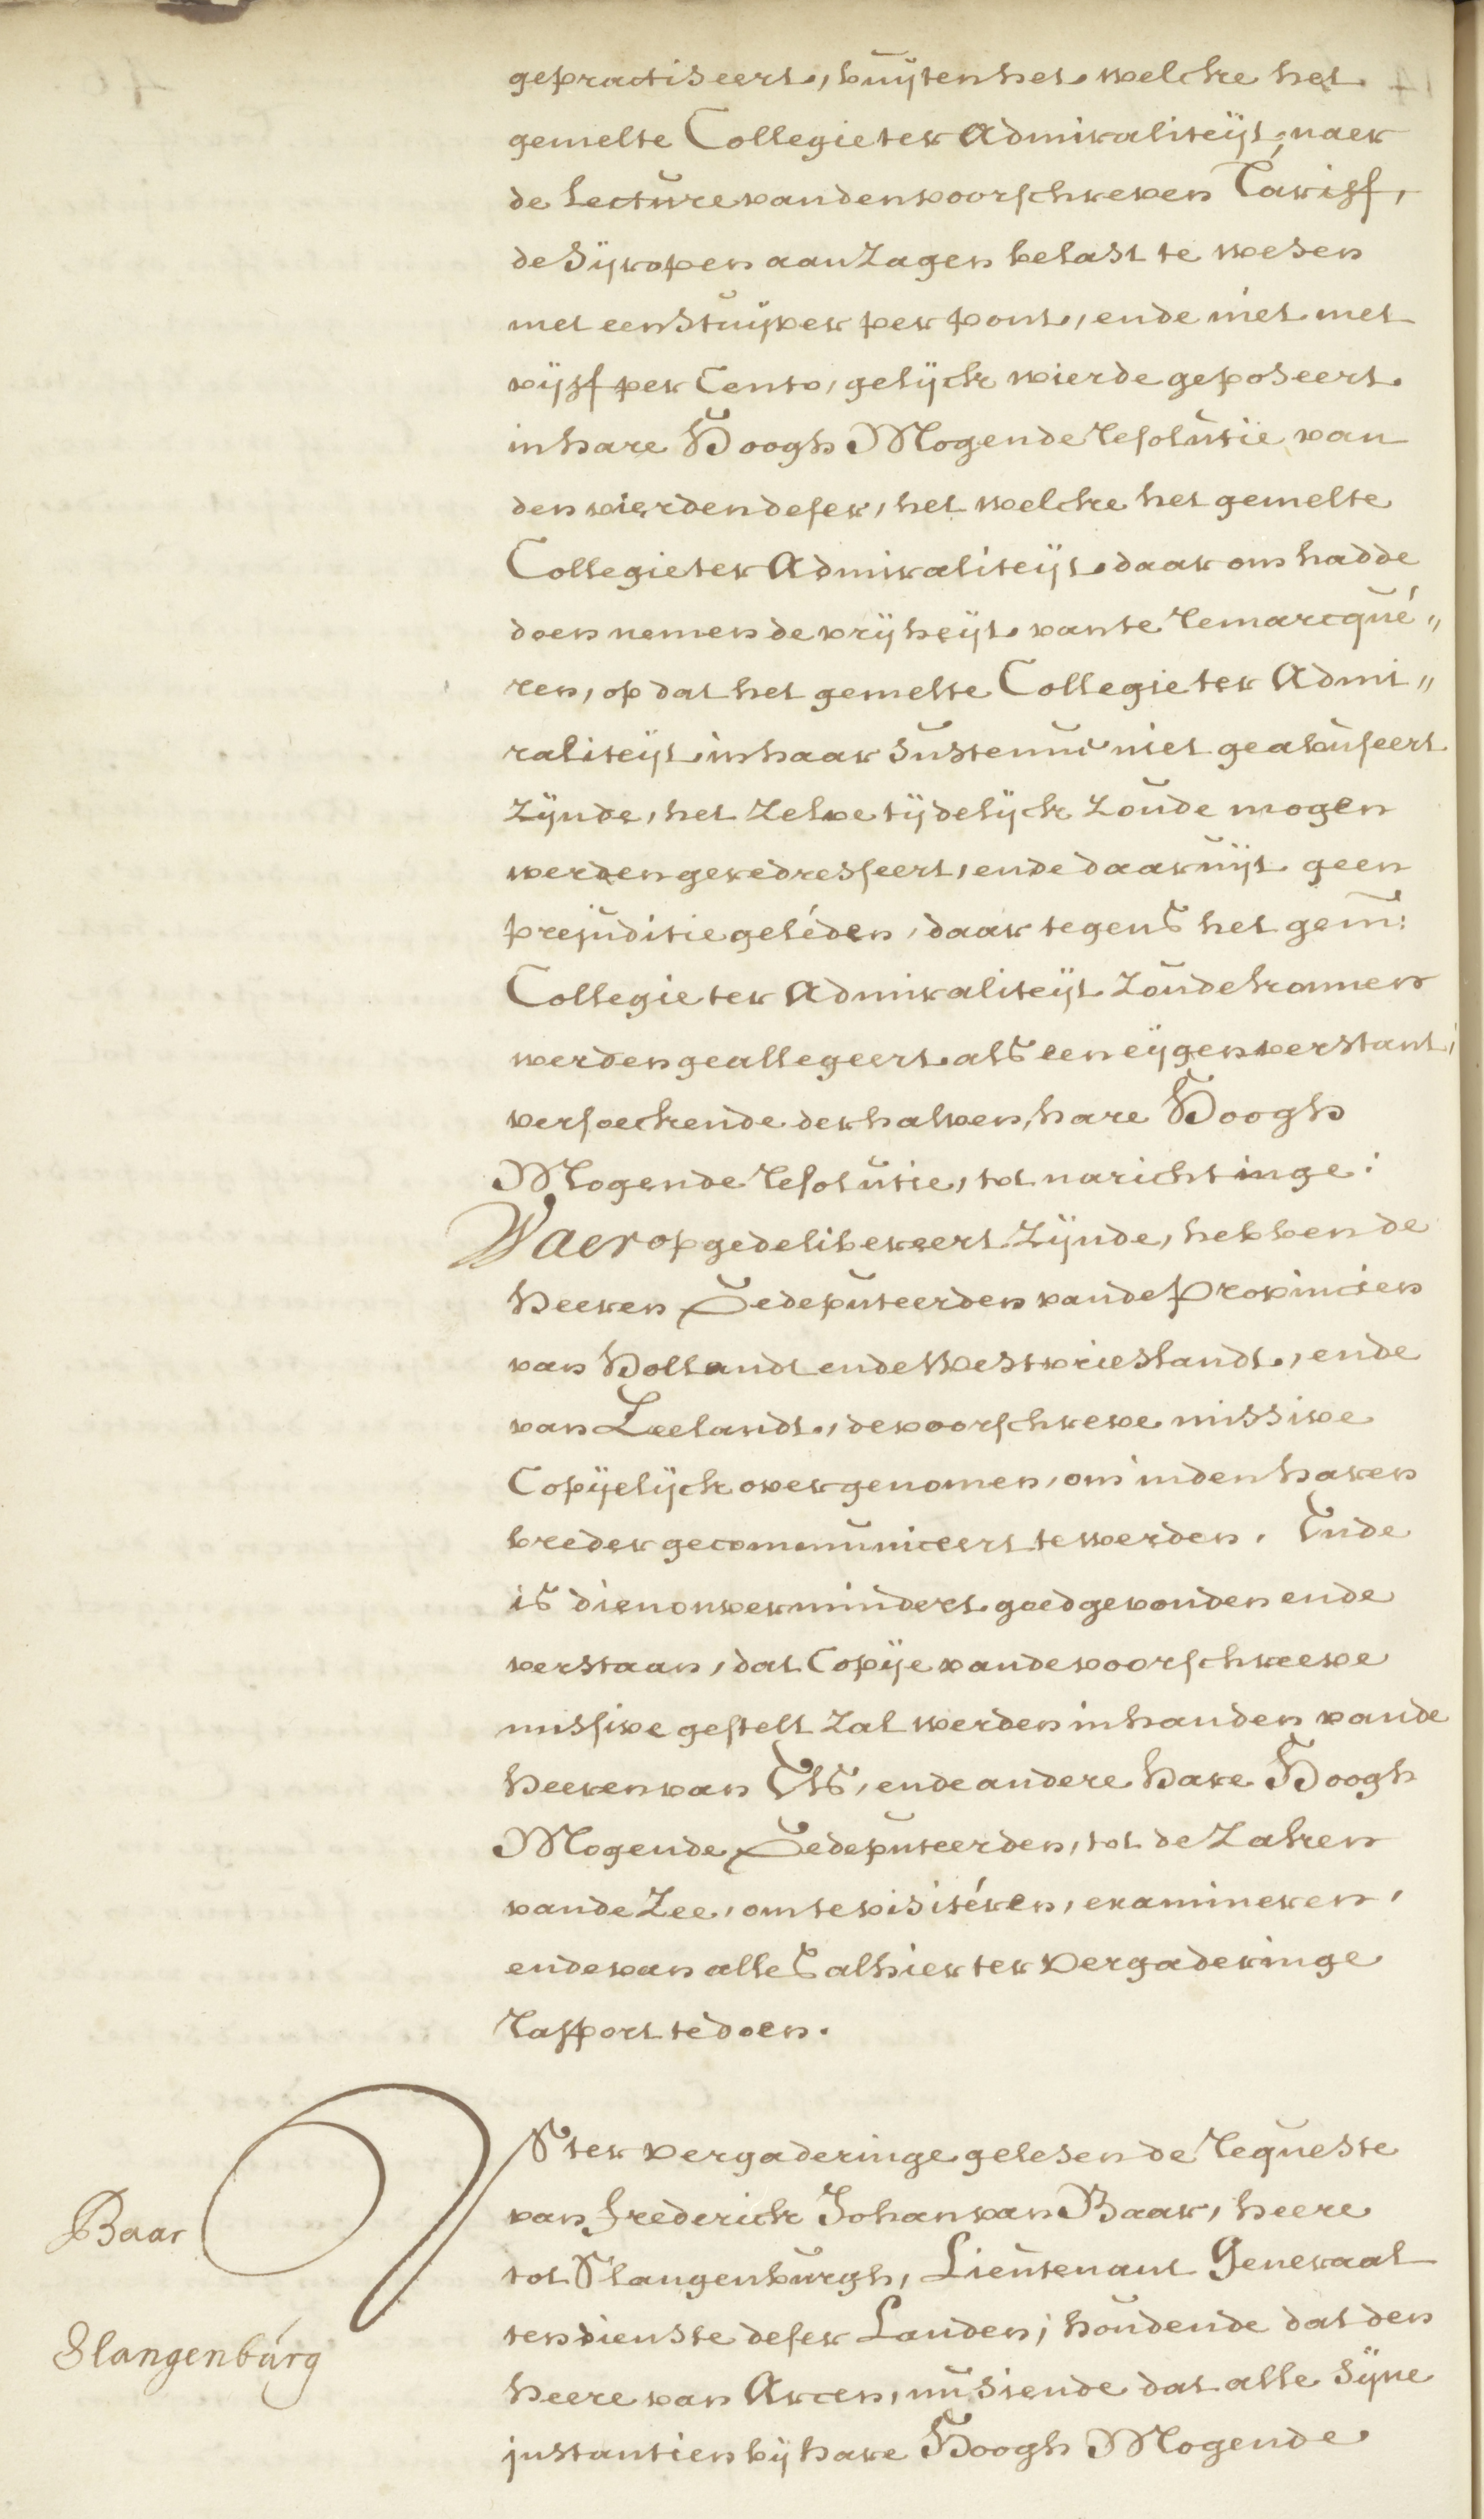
gepractiseert, buijten het welcke het
gemelte Collegie ter Admiraliteijt, naer
de lecture vanden voorschreven Tariff,
de sijropen aanzagen belast te wesen
met een stuijver per pout, ende niet met
vijff per cento, gelijck wierde geposeert
in hare Hoogh Mogende resolutie van
den vierden deser, het welcke het gemelte
Collegie ter Admiraliteijt daarom hadde
doen nemen de vrijheijt van te remarcque„
ren, op dat het gemelte Collegie ter Admi„
raliteijt in haar sustenue niet geabuseert
zijnde, het zelve tijdelijck zoude mogen
werden geredresseert, ende daaruijt geen
prejuditie geleden, daar tegens het gem:
Collegie ter Admiraliteijt zoude konnen
werden geallegeert als een eijgen verstant,
versoeckende derhalven hare Hoogh
Mogende resolutie, tot narichtinge:
Waerop gedelibereert zijnde, hebben de
Heeren Gedeputeerden vande Provincien
van Hollandt ende Westvrieslandt, ende
van Zeelandt, de voorschreve missive
Copijelijck overgenomen, om inden haren
breder gecommuniceert te werden. Ende
is dienonvermindert goedgevonden ende
verstaan, dat Copije vande voorschreeve
missive gestelt zal werden in handen vande
heeren van Els, ende andere hare Hoogh
Mogende Gedeputeerden, tot de zaken
vande zee, om te visiteren, examineren,
ende van alles alhier ter vergaderinge
rapport te doen.
Baar
Slangenburg
Is ter vergaderinge gelesen de requeste
van Frederick Johan van Baar, heere
tot Slangenburgh, Lieutenant Generaal
ten dienste deser Landen, houdende dat den
heere van Arcen, nu siende dat alle sijne
instantien bij hare Hoogh Mogende
